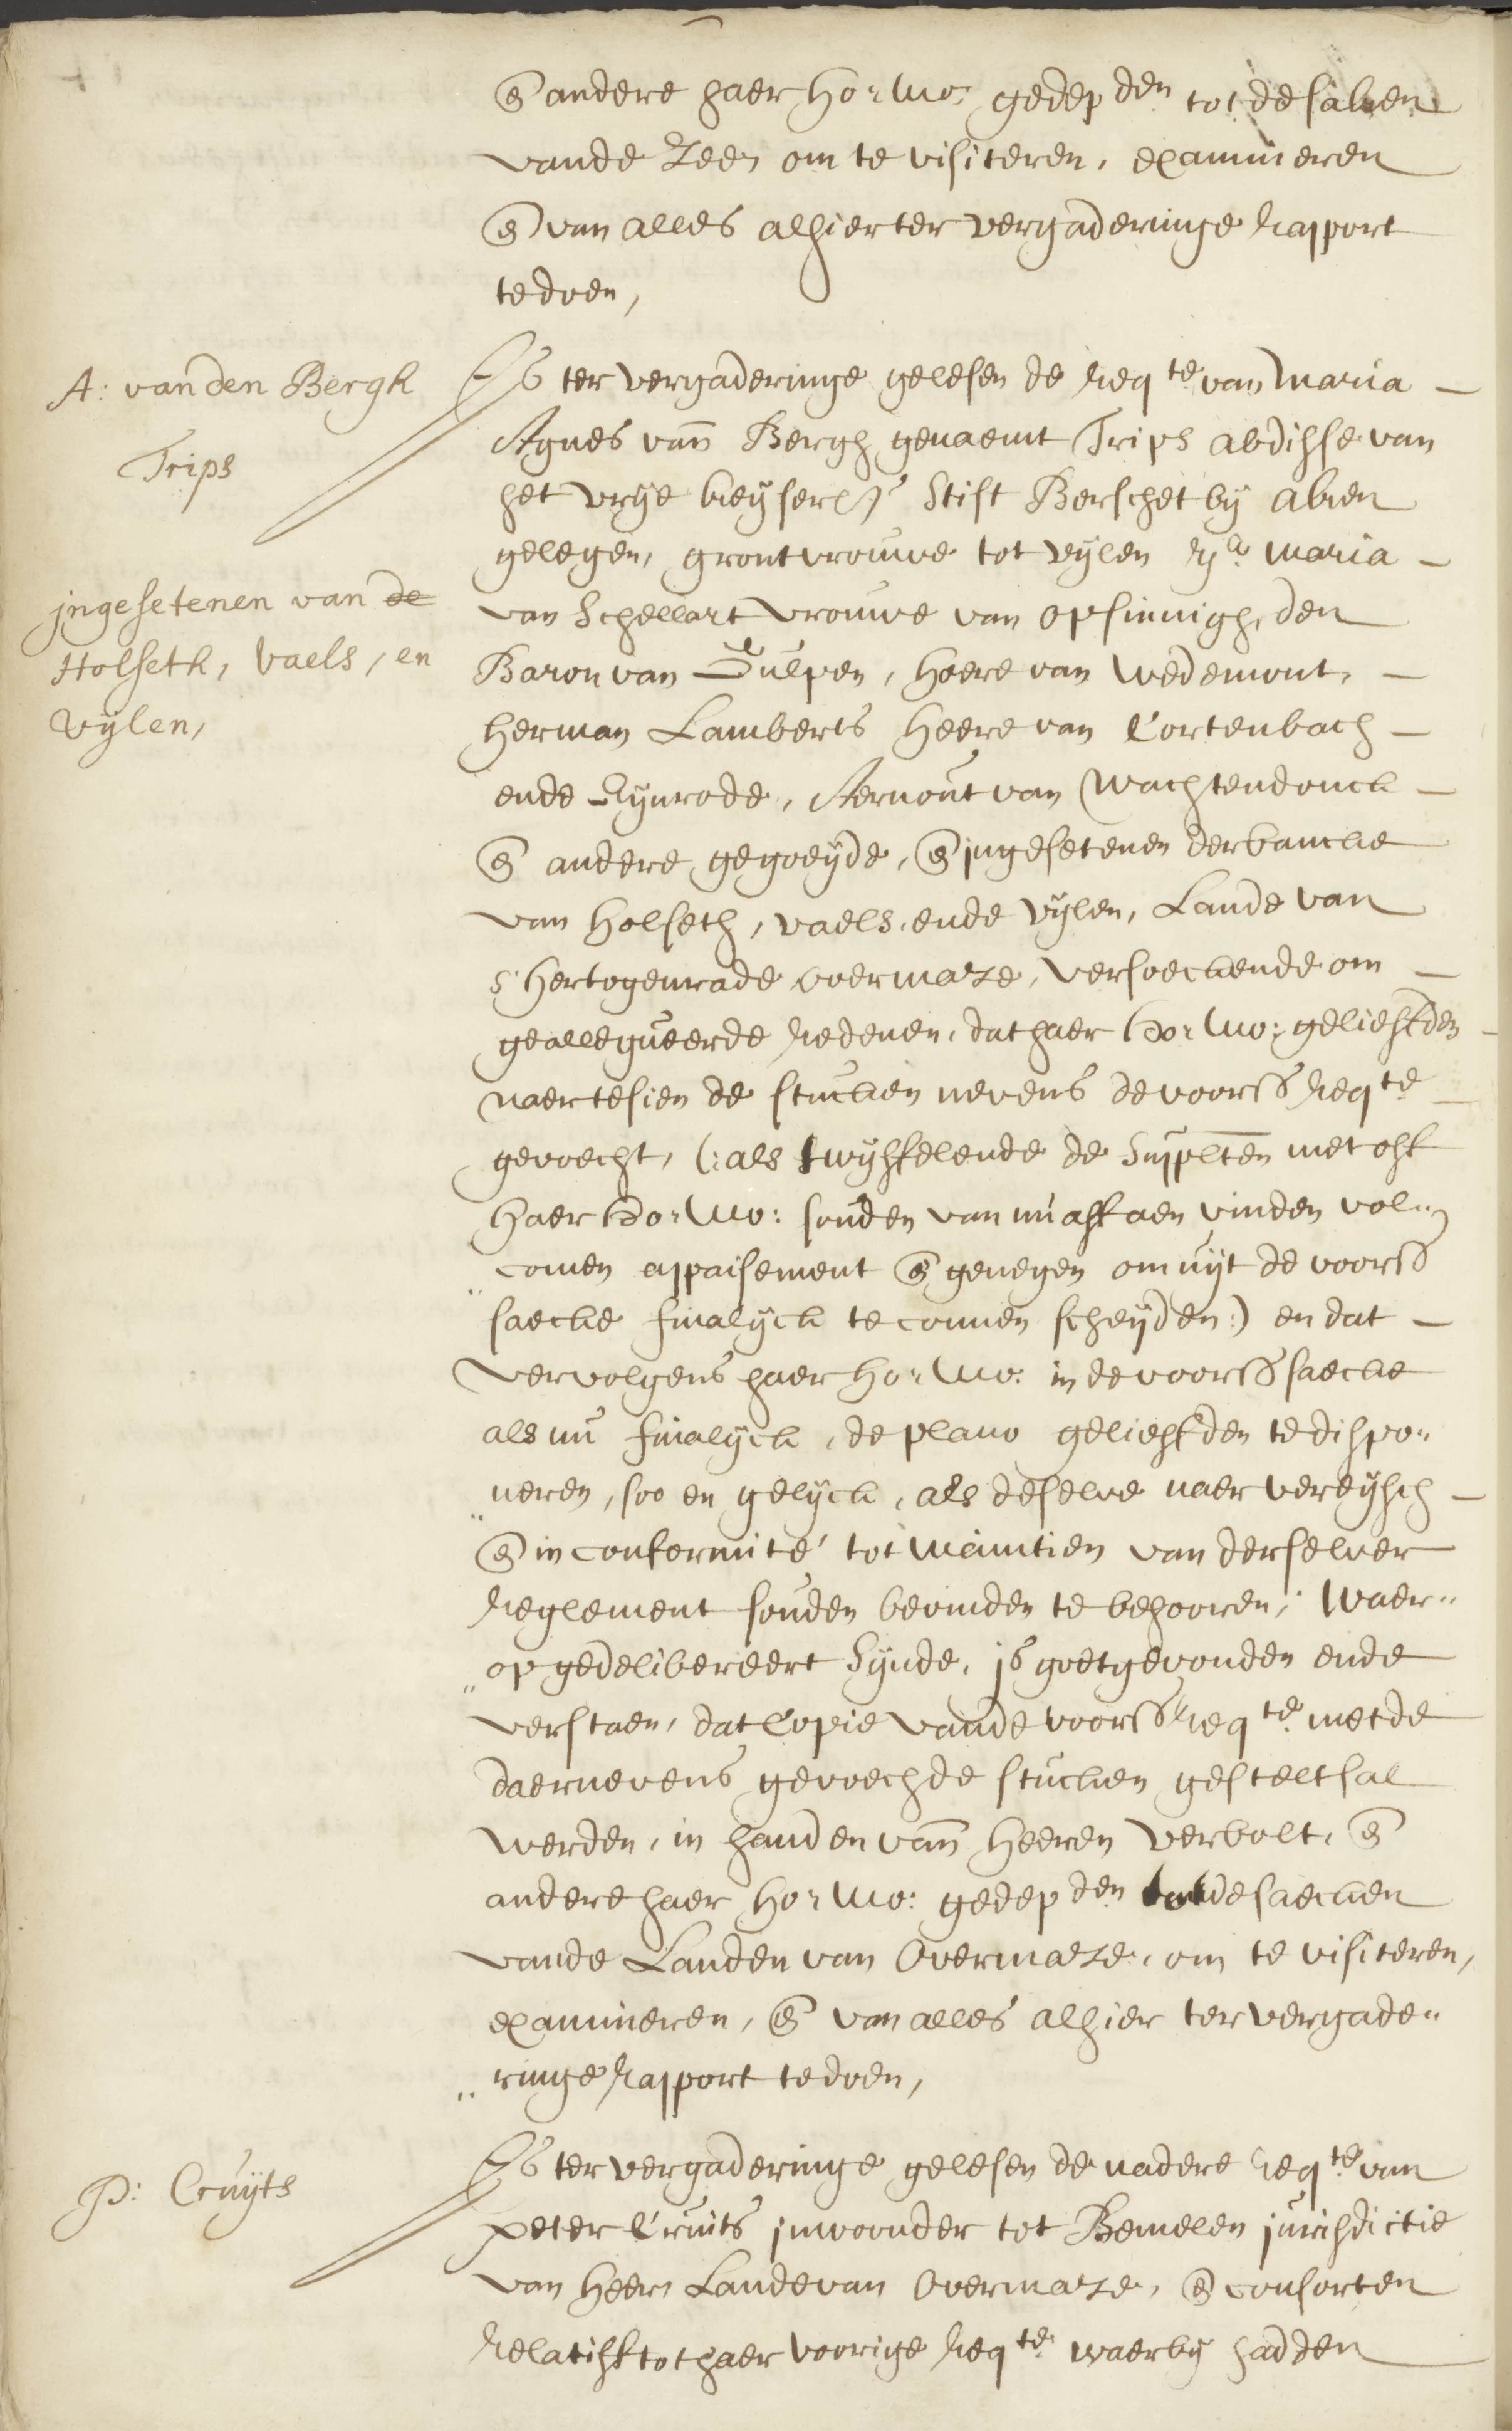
& andere haer ho:mo: gedepden tot de saken
vande Zeen, om te visiteren, examineren
en van alles alhier ter vergaderinge rapport
te doen.
A: van den Bergh
Trips
ingesetenen van de
Holseth, Vaels, en
Vijlen.
Is ter vergaderinge gelesen de reqte van Maria
Agnes van Bergh genaemt Trips abdisse van
het vrije keijserl Stift Berschet bij Aken
gelegen, grontvrouwe tot vijlen rga. Maria
van Schellart vrouwe van Opsinnigh, den
Baron van Gulpen, heere van Wedemont,
herman Lamberts heere van Cortenbach
ende Rijnrode, Aernout van Wachtendonck
& andere gegoeijde, & ingesetenen der bancke
van holseth, vaels, ende vijlen, Lande van
s‛hertogenrade overmaze, versoeckende om
geallegueerde redenen, dat haer ho:mo: gelieffden
naer te sien de stucken nevens de voors. reqte
gevoecht, (: als twijffelende de Supplten met oft
haer ho:mo: souden van nu aff aen vinden vol„
comen appaisement & genegen om uijt de voors.
saecke finalijck te connen scheijden:) en dat
vervolgens haer ho:mo: in de voors. saecke
als nu finalijck, de plano gelieffden te dispo„
neren, soo en gelijck, als deselve naer vereijsch
& in conformité tot maintien van derselver
reglement souden bevinden te behooren; Waer„
op gedelibereert Sijnde, is goetgevonden ende
verstaen, dat copie vande voors. reqte. met de
daernevens gevoechde stucken gestelt sal
werden, in handen van heeren verbolt, &
andere haer ho:mo: gedepden tot de saecken
vande Landen van Overmaze, om te visiteren,
examineren, & van alles alhier ter vergade„
ringe rapport te doen.
P: Cruijts
Is ter vergaderinge gelesen de nadere reqte van
peter Cruits inwoonder tot Bemelen jurisdictie
van heer Lande van Overmaze, & consorten
relatiff tot haer voorige reqte. waerbij hadden
